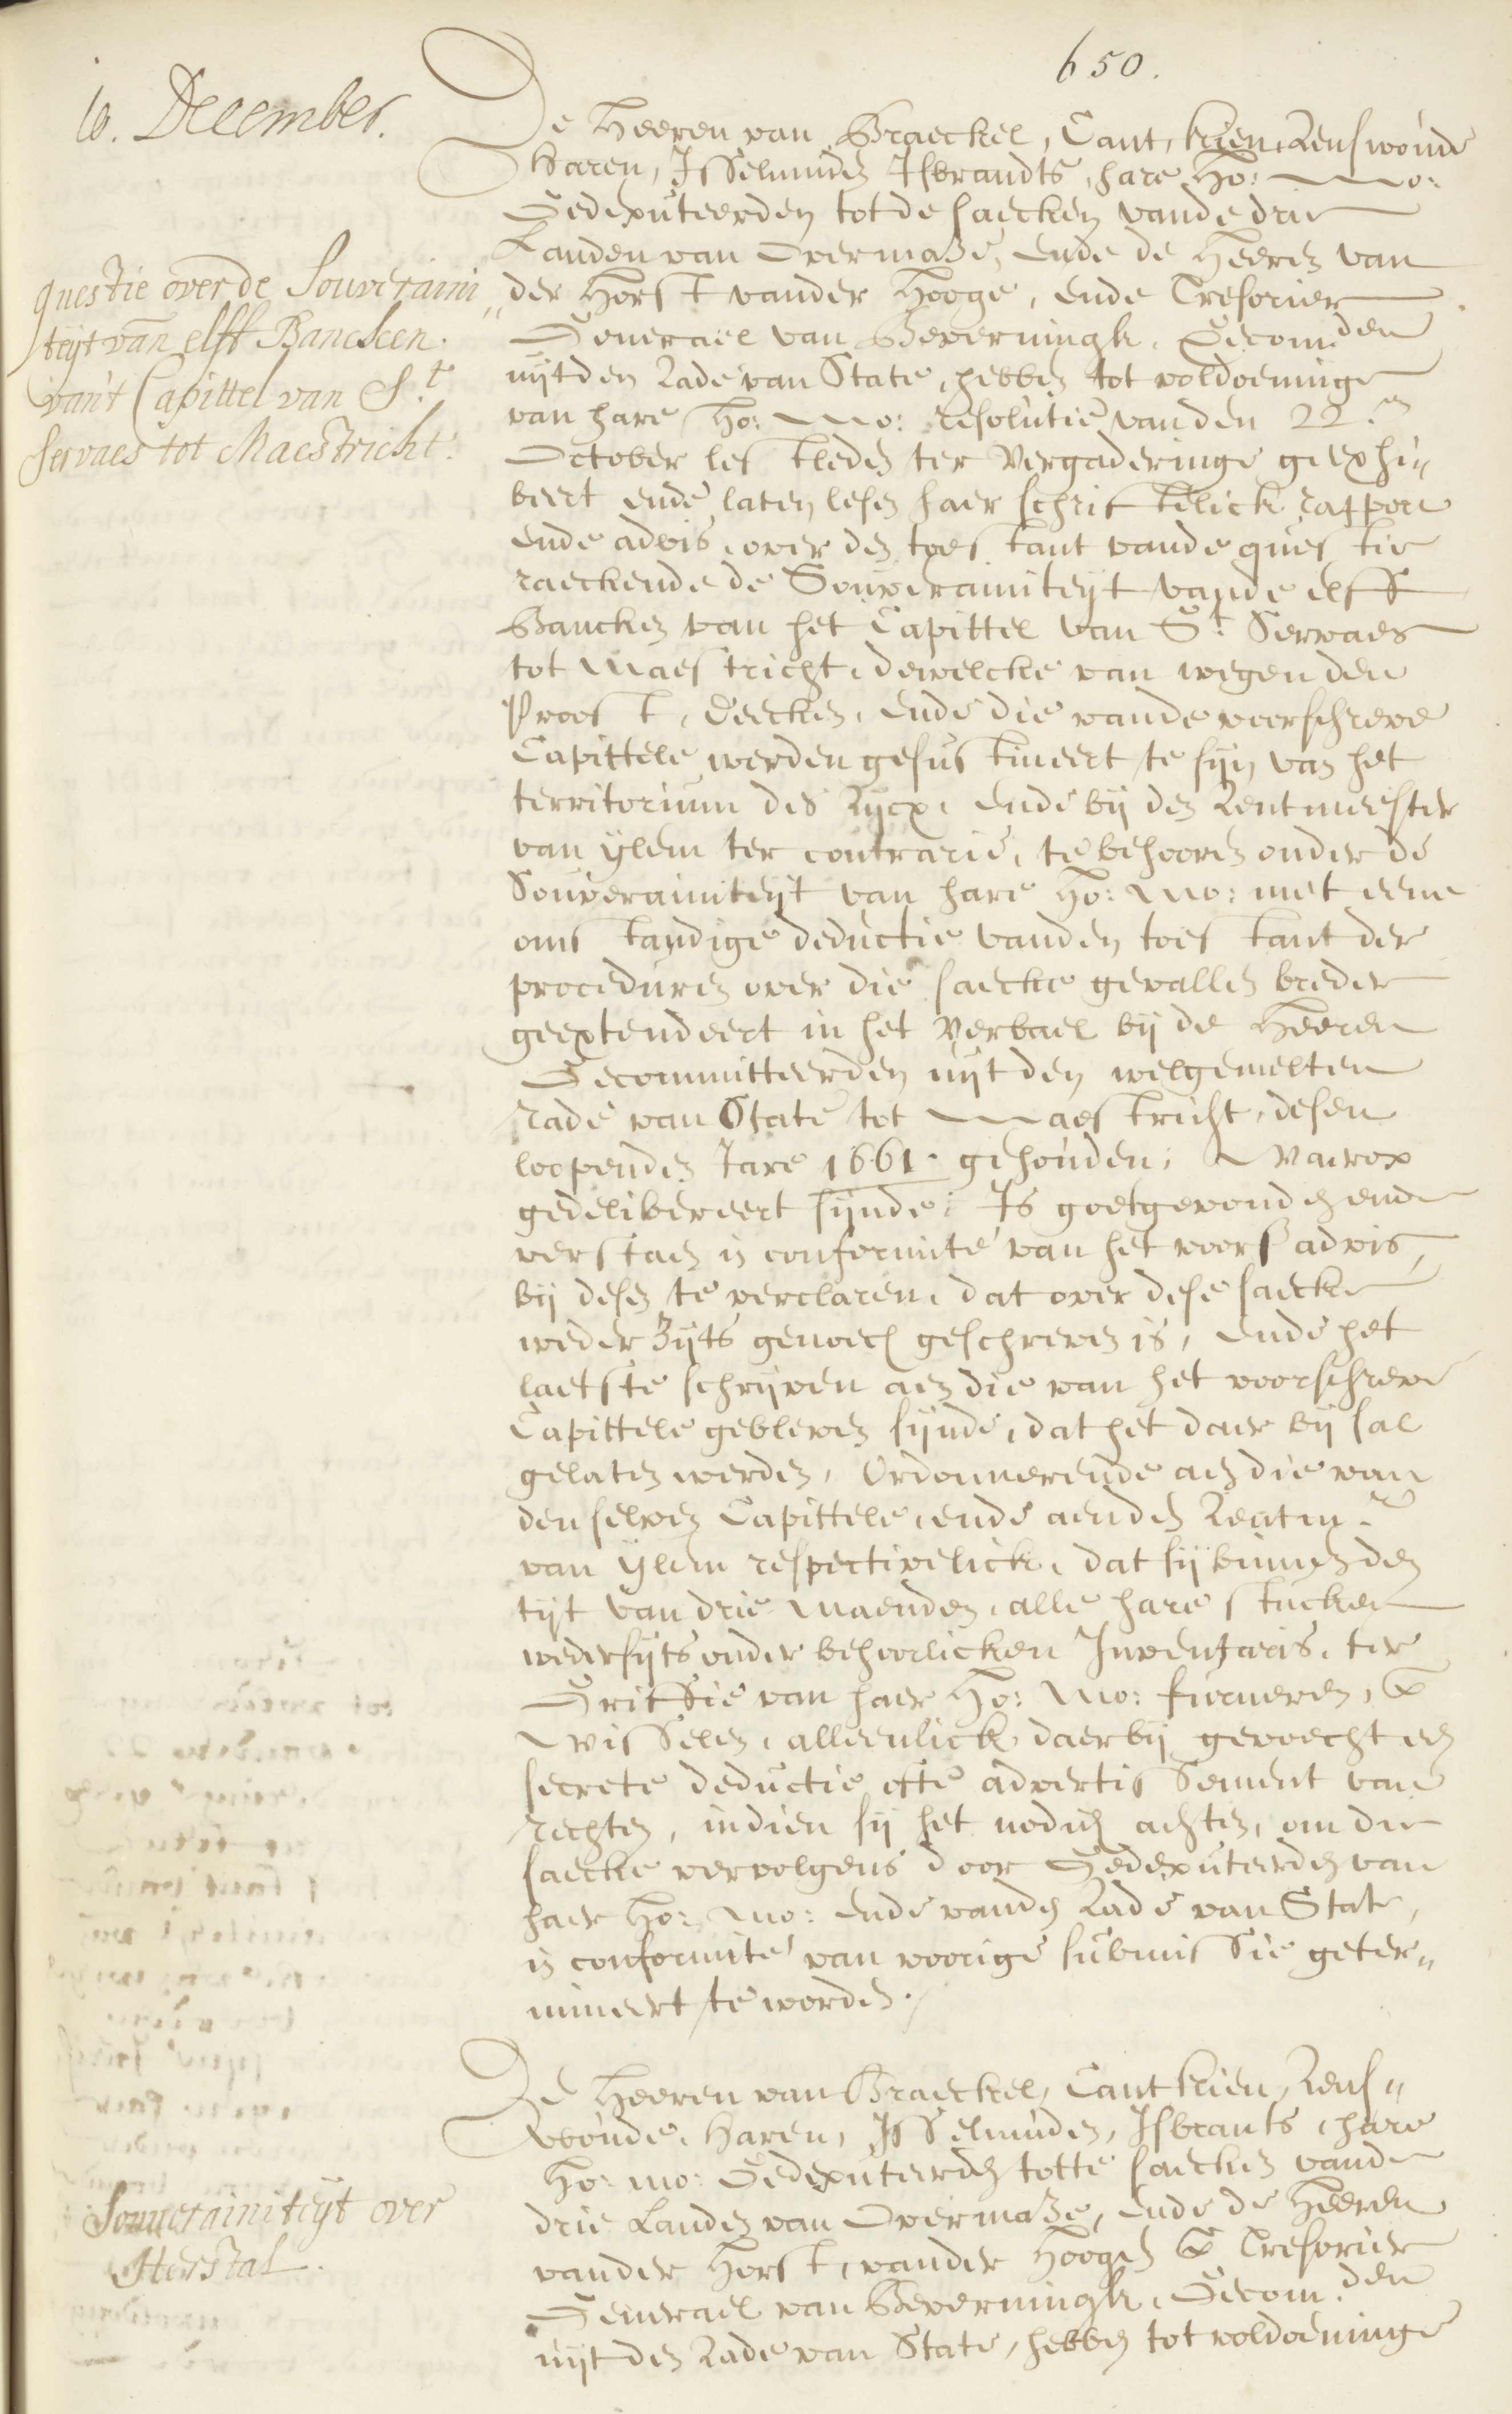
650.
10. December.
questie over de Souveraini„
teijt van elff Bancken,
van't Capittel van St.
Sevaes tot Maestricht.
De heeren van Braeckel, Cant, Kien, Renswoude
Haren, Isselmuden Isbrandts, hare Ho:Mo:
Gedeputeerden tot de saecken vande drie
Landen van Overmaze, Ende de Heeren van
der Herst vander Hooge, ende Tresorier
Generael van Beverningk, Gecomden
uijtden Rade van State, hebben tot voldoeninge
van hare Ho:Mo: resolutie van den 22en.
October lestleden ter Vergaderinge geexhi„
beert ende laten lesen haer schriftelick rapport
ende advis, over den toestant vande questie
raeckende de Souverainiteijt vande Elff
Bancken van het Capittel van St. Servaes
tot Maestricht, dewelcke van wegen den
Proost, Deecken, Ende die vande voorschreve
Capittele werden gesustineert te sijn van het
territorium des Rijcx, ende bij den Rentmeester
van IJlem ter contrarie, te behooren onder de
Souverainiteijt van hare Ho:Mo: met eene
omstandige deductie vanden toestant der
proceduren over die saecke gevallen breder
geextendeert in het Verbael bij de Heeren
Gecommitteerden uijt den welgemelten
Rade van State tot Maestricht, desen
loopenden Jare 1661. gehouden; Waerop
gedelibereert sijnde, Is goetgevonden ende
verstaen in conformité van het voors advis
bij desen te verclaren, dat over dese saecke
weder Zijts genoech geschreven is, ende het
laetste schrijven aen die van het voorschreve
Capittele gebleven sijnde, dat het daer bij sal
gelaten werden, Ordonnerende aen die van
den selven Capittele, ende aenden Rentmr.
van IJlem respectivelick, dat sij binnen den
tijt van drie Maenden, alle hare stucken
wedersijts onder behoorlicken Inventaris, ter
Griffie van haer Ho:Mo: furneren, &
wisselen, alleenlick daerbij gevoecht een
secrete deductie ofte advertissement van
rechten, indien sij het nodich achten, om die
saecke vervolgens door Gedeputeerden van
haer Ho:Mo: ende vanden Rade van State,
in conformité van voorige submissie geter„
mineert, te worden.
Souverainiteijt over
Herstal.
De heeren van Braeckel, Cant Kien, Rens„
woude, Haren, Isselmuden, Isbrants, hare
Ho:Mo: Gedeputeerden totte saecken vande
drie Landen van Overmaze, ende de Heeren
vander Herst, vander Hoogen & Tresorier
Generael van Beverningk, Gecomden.
uijt den Rade van State, hebben tot voldoeninge
